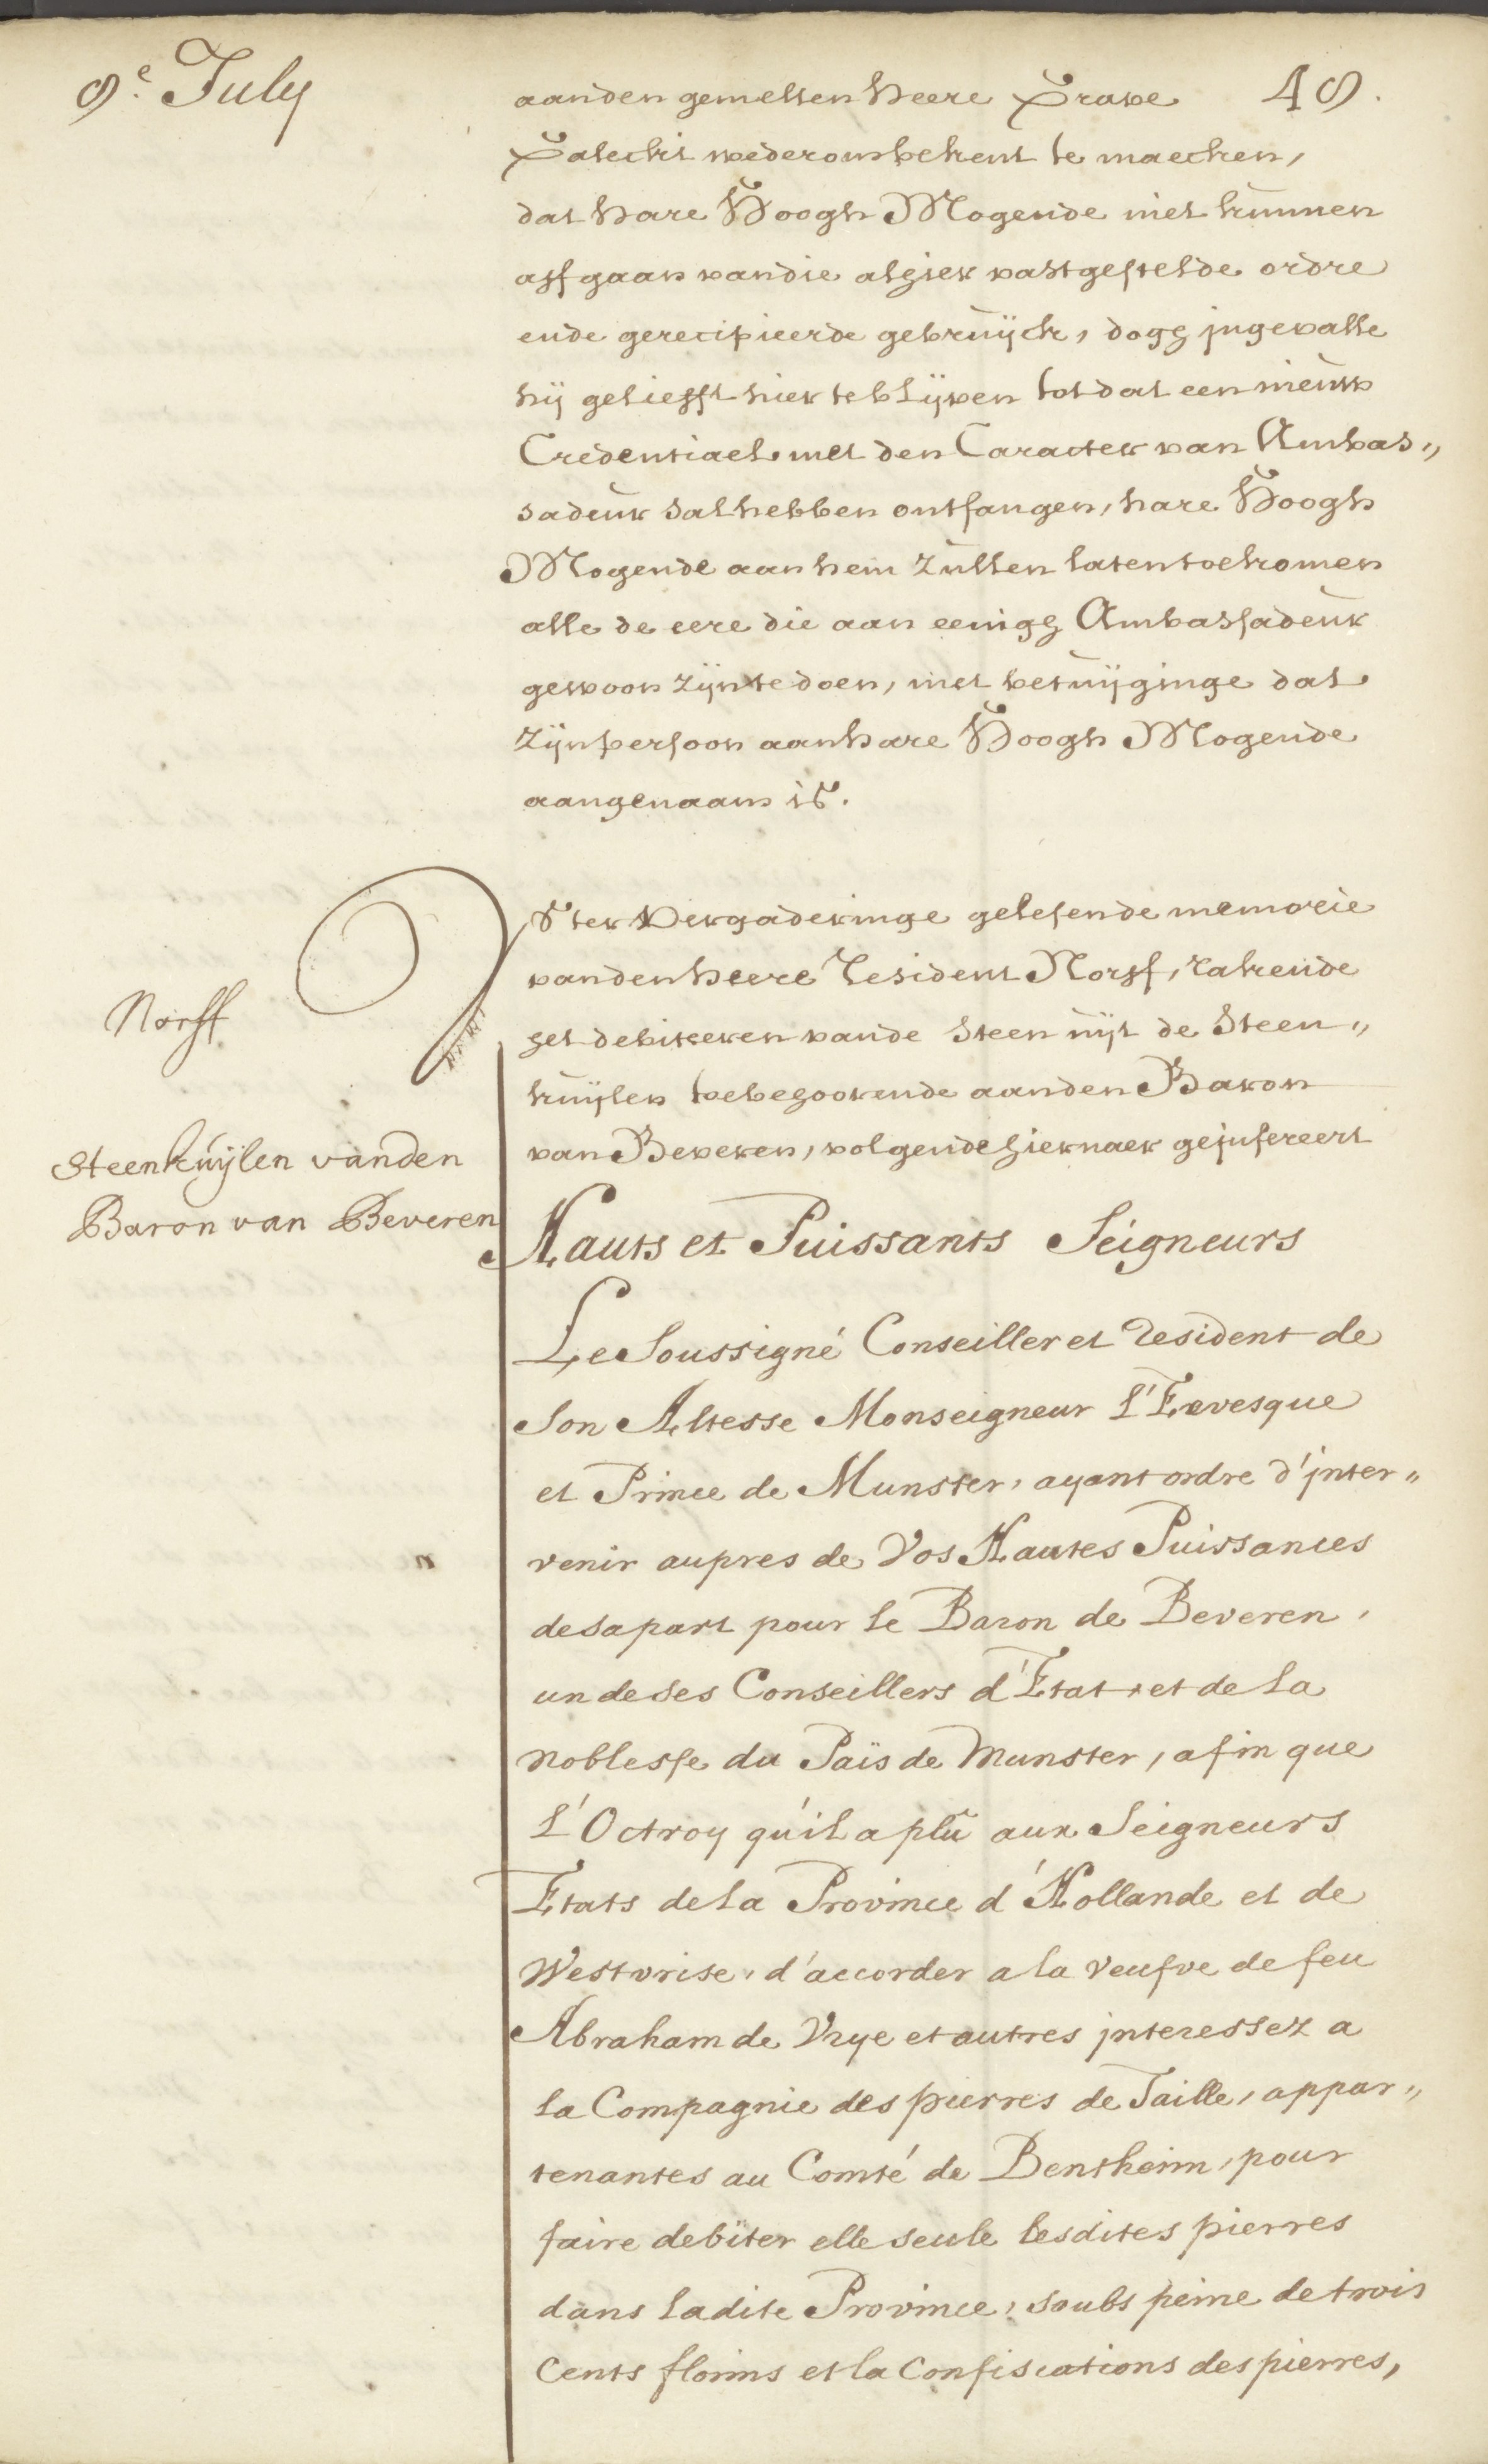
48
8e. Julij
aanden gemelten heere Grave
Galecki wederom bekent te maecken,
dat hare Hoogh Mogende niet kunnen
affgaan van die alhier vastgestelde ordre
ende gerecipieerde gebruijck, dogh ingevalle
hij geliefft hier te blijven tot dat een nieuw
Credentiael met den Caracter van Ambas„
sadeur sal hebben ontfangen, hare Hoogh
Mogende aan hem zullen laten toekomen
alle de eere die aan eenigh Ambassadeur
gewoon zijn te doen, met betuijginge dat
zijn persoon aan hare Hoogh Mogende
aangenaam is.
Norff
Steenkuijlen vanden
Baron van Beveren
Is ter vergaderinegn gelesen de memorie
van den heere Resident Norff, rakende
het debiteeren vande steen uijt de steen„
kuijlen toebehoorende aanden Baron
van Beveren, volgende hiernaer geinsereert
Hauts et Puissants Seigneurs
Les sousigné Conseiller et Resident de
Son Altesse Monseigneur l'Evesque
et Prince de Munster, ayant ordre d'inter„
venir aupres de Vos Hautes Puissances
desapart pour le Baron de Beveren
un de ses Conseillers d'Etat, et de la
noblesse du Païs de Munster, afin que
l'Octroy qu'il a plu aux Seigneurs
Etats de la Province d'Hollande et de
Westvrise, d'accorder a la veufve de feu
Abraham de Vrye et autres interessez a
la Compagnie des pierres de Taille, appar„
tenantes au Comté de Bentheim, pour
faire debiter elle seule lesdites pierres
dans Ladite Province, soubs peine de trois
cents florins et la confiscations des pierres,
